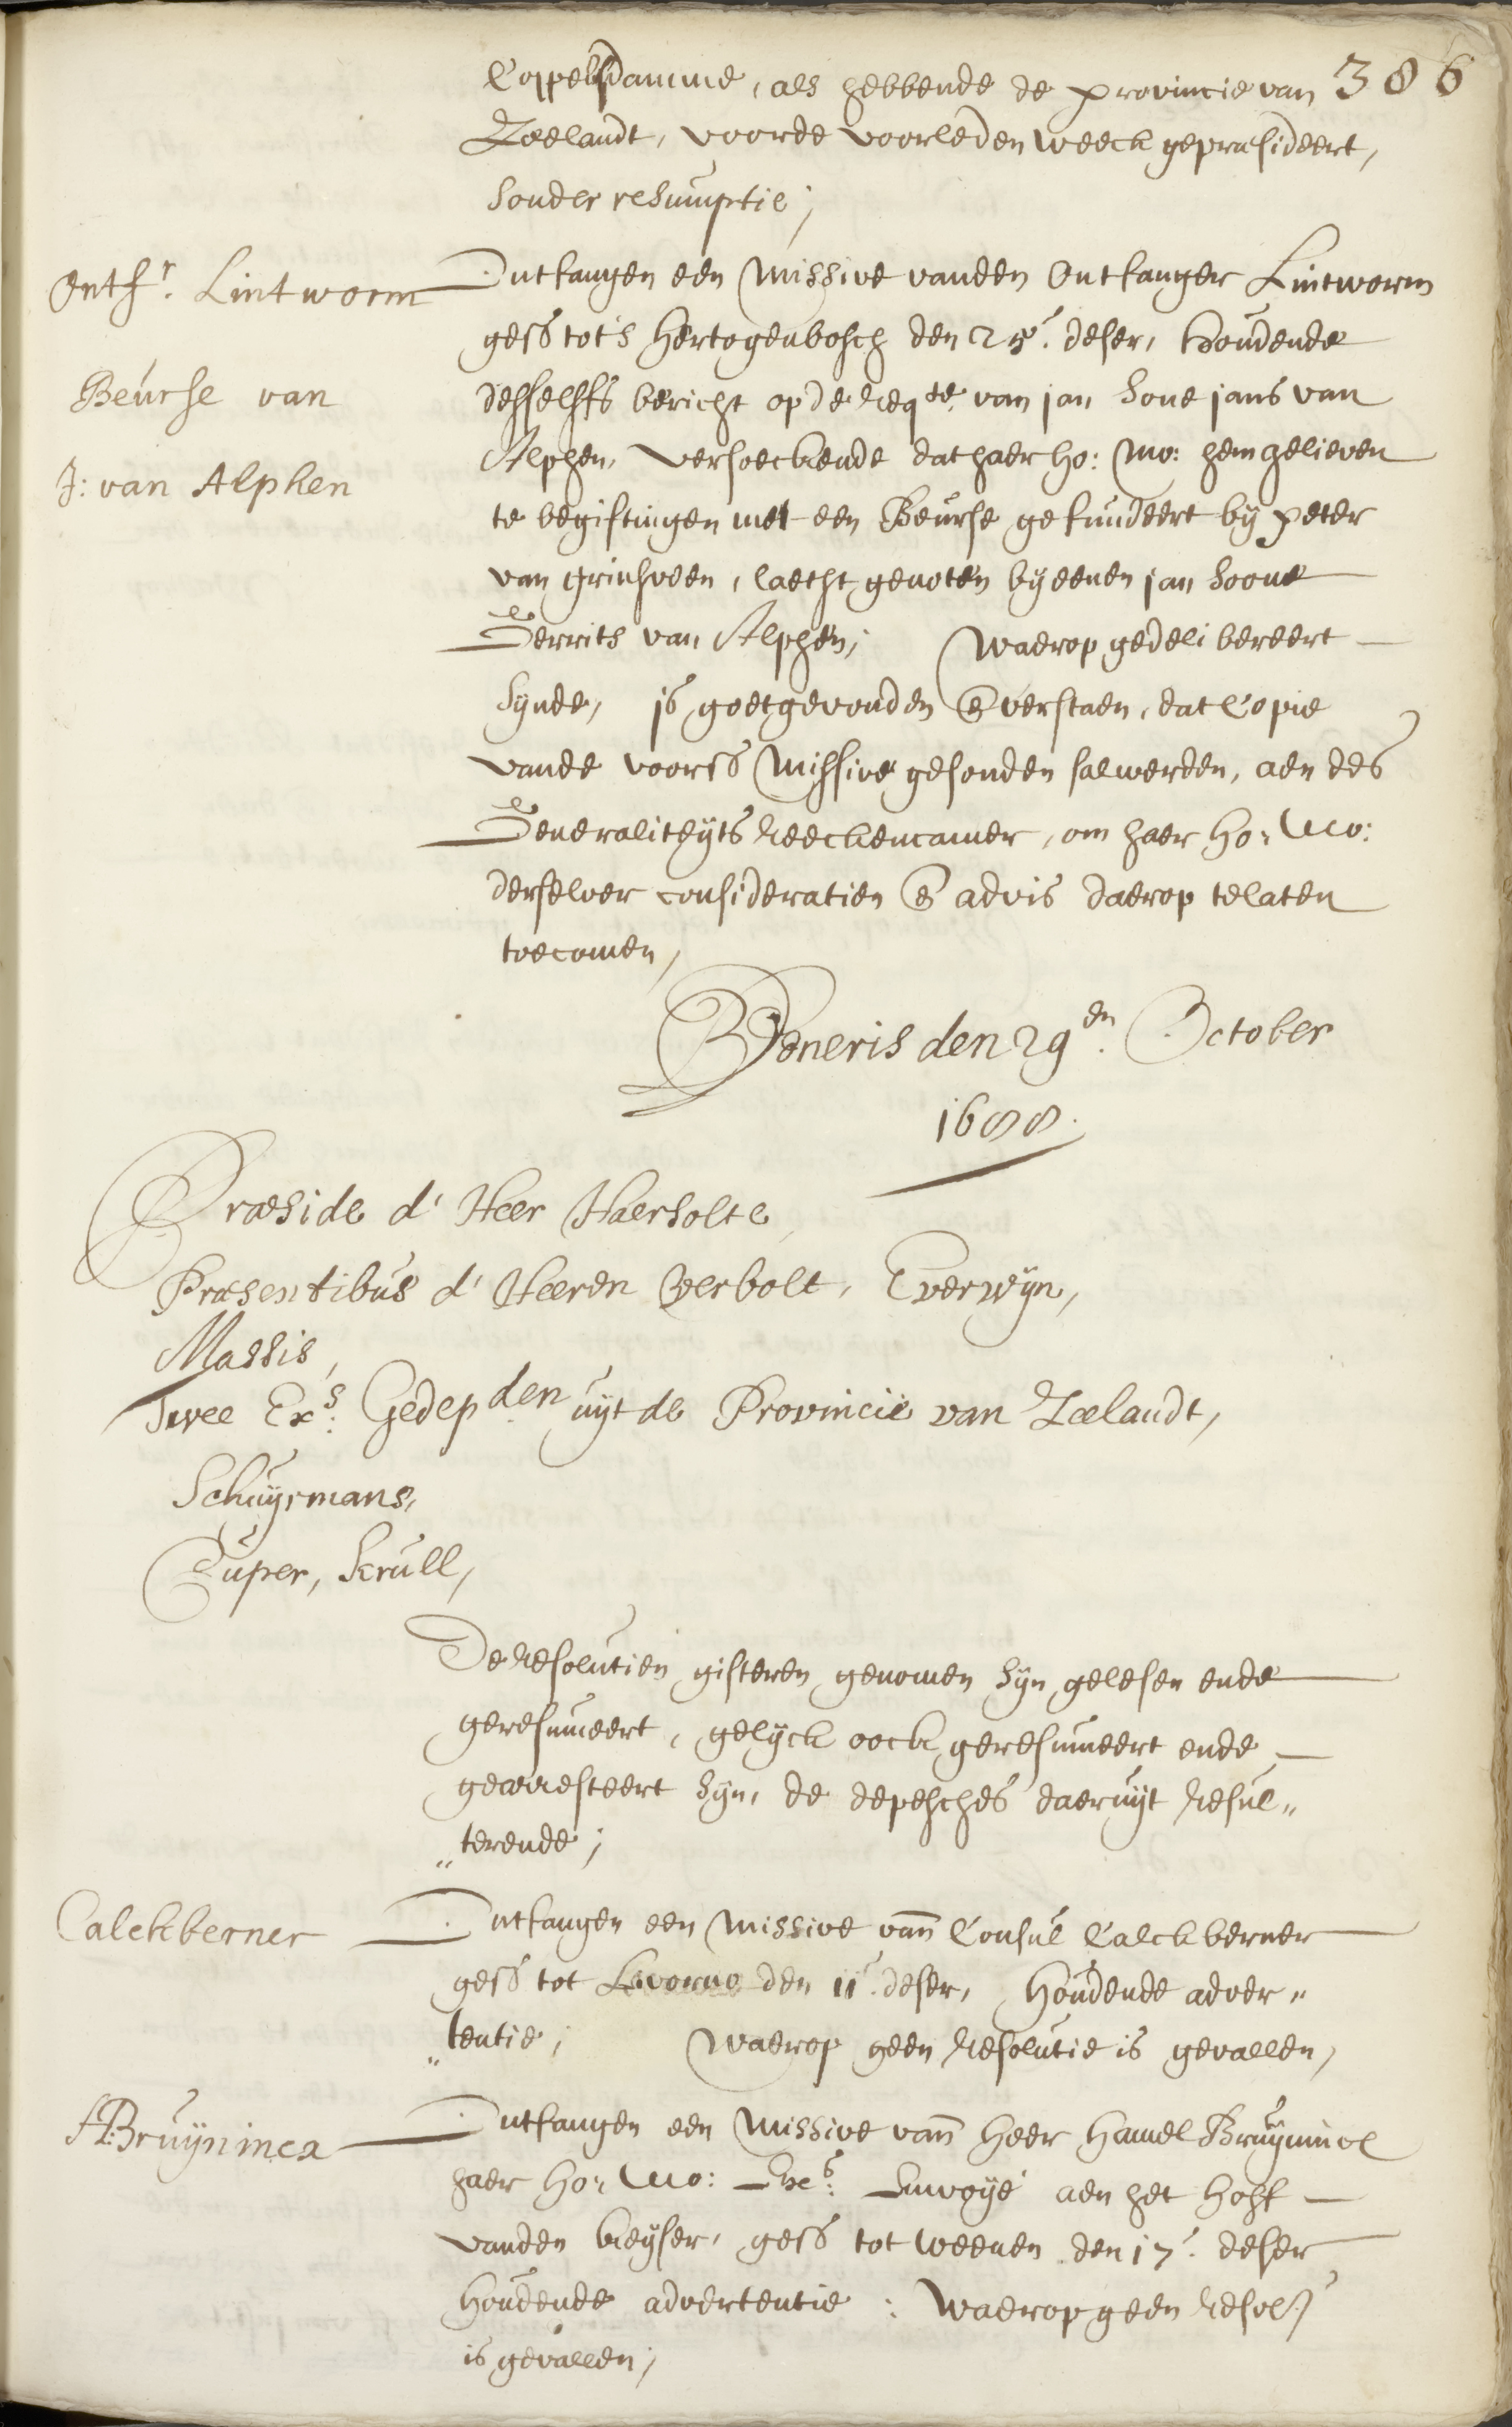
386
coppelsdamme, als hebbende de provincie van
Zeelandt, voorde voorleden weeck gepresideert.
sonder resumptie.
ontfr. Lintworm
Beurse van
J: van Alphen
Ontfangen een missive vanden Ontfanger Lintworm
gess tot ‛s hertogenbosch den 25e. deser, houdende
desselffs bericht op de reqte. van jan sone jans van
Alphen, versoeckende dat haer ho:mo: hem gelieven
te begiftingen met een Beurse gefundeert bij peter
van grinsveen, laetst genoten bij eenen jan soone
Gerrits van Alphen: Waerop gedelibereert
sijnde, is goetgevonden & verstaen, dat copie
vande voors missive gesonden sal werden, aen des
Generaliteijts reeckencamer, om haer Ho:Mo:
derselver consideratien & advis daerop te laten
toecomen.
Veneris den 29en October
1688.
Præside d' Heer Haersolte
Præsentibus d' Heeren Verbolt, Everwijn,
Massis
Twee Exs. Gedepden uijt de Provincie van Zeelandt,
Schuijrmans,
Cuper, Krull.
De resolutien gisteren genomen sijn gelesen ende
geresumeert, gelijck oock geresumeert ende
gearresteert sijn, de depesches daeruijt resul„
terende;
Calckberner
Ontfangen een missive van Consul Calckberner
gess tot Livorno den 11e. deser, houdende adver„
tentie: Waerop geen resolutie is gevallen.
F: Bruijnincx
Ontfangen een missive van heer hamel Bruijnincx
haer Ho:Mo: Exs: Envoijé aen het hoff
vanden keijser, gess tot weenen den 17e deser
houdende advertentie: Waerop geen resol
is gevallen.
